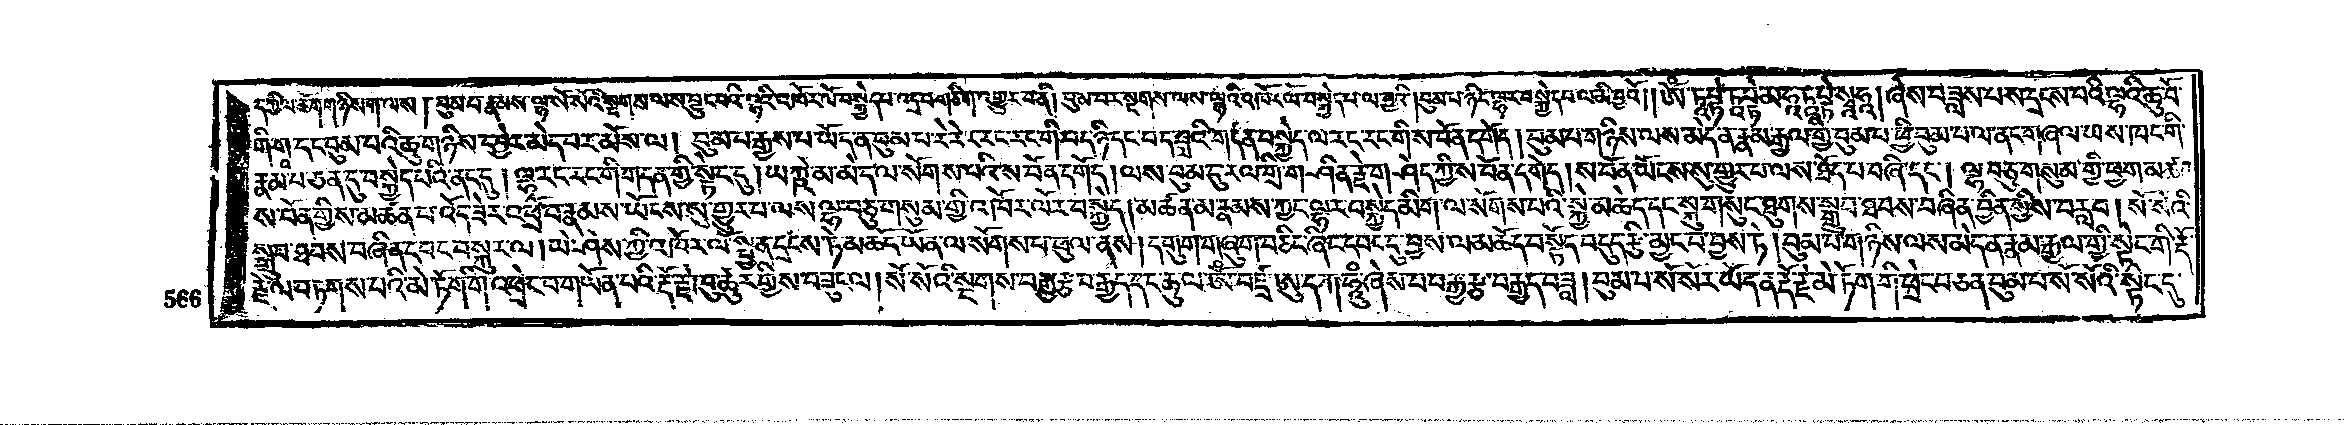དཀྱིལ་ཆོག་གཉིས་ཀ་ལས། བུམ་པ་རྣམས་ལྷ་སོ་སོའི་སྔགས་ལས་བྱུང་བའི་ལྷའི་འཁོར་ལོ་བསྐྱེད་པ་འདྲ་བ་གཅིག་འགྱུར་བ་ནི། བུམ་པར་སྔགས་ལས་ལྷའི་འཁོར་ལོ་བསྐྱེད་པ་ལ་བྱའི། བུམ་པ་ཉིད་ལྷར་བསྐྱེད་པ་ལ་མི་བྱའོ། །ཨོཾ་ཏཱཔྟེ་ཏཱཔྟེ་མཧཱ་ཏཱཔྟེ་སྭཱཧཱ། ཞེས་བཟླས་པས་དྲངས་པའི་ལྷའི་ཆུ་བོ་
གི་གཱ་དང་བུམ་པའི་ཆུ་གཉིས་དབྱེར་མེད་པར་མོས་ལ། བུམ་པ་རྒྱས་པ་ཡོད་ན་བུམ་པ་རེ་རེར་རང་རང་གི་པད་ཉི་དང་པད་ཟླའི་གདན་བསྐྱེད་ལ་རང་རང་གི་ས་བོན་དགོད། བུམ་པ་གཉིས་ལས་མེད་ན་རྣམ་རྒྱལ་གྱི་བུམ་པ་ཕྱི་བུམ་པ་ལ་ནང་གཞལ་ཡས་ཁང་གི་
རྣམ་པ་ཅན་དུ་བསྐྱེད་པའི་ནང་དུ། ལྷ་རང་རང་གི་གདན་གྱི་སྟེང་དུ། ཡཀྵེ་མ་མེད་ལ་སོགས་པའི་ས་བོན་དགོད། ལས་བུམ་དུ་རལ་གྲི་གཤིན་རྗེ་གཤེད་ཀྱི་ས་བོན་དགེད། ས་བོན་ཡོངས་སུ་གྱུར་པ་ལས་ཐོད་པ་བཞི་དང་། ལྷ་བཅུ་གསུམ་གྱི་ཕྱག་མཚན་
ས་བོན་གྱིས་མཚན་པ་འོད་ཟེར་འཕྲོ་བ་རྣམས་ཡོངས་སུ་གྱུར་པ་ལས་ལྷ་བཅུ་གསུམ་གྱི་འཁོར་ལོར་བསྐྱེད། མཚན་མ་རྣམས་ཀྱང་ལྷར་བསྐྱེད་མིག་ལ་སོགས་པའི་སྐྱེ་མཆེད་དང་སྐུ་གསུང་ཐུགས་སྒྲུབ་ཐབས་བཞིན་བྱིན་གྱིས་བརླབ། སོ་སོའི་
སྒྲུབ་ཐབས་བཞིན་དབང་བསྐུར་ལ། ཡེ་ཤེས་ཀྱི་འཁོར་ལོ་སྤྱན་དྲངས་ཏེ་མཆོད་ཡོན་ལ་སོགས་པ་ཕུལ་ནས། དགུག་གཞུག་བཅིང་ཞིང་དབང་དུ་བྱས་ལ་མཆོད་བསྟོད་བདུད་རྩི་མྱང་བ་བྱས་ཏེ། བུམ་པ་གཉིས་ལས་མེད་ན་རྣམ་རྒྱལ་གྱི་སྟེང་གི་རྡོ་
རྗེ་ལ་བཏགས་པའི་མེ་ཏོག་གི་འཕྲེང་བ་གཡོན་པའི་རྡོ་རྗེ་ཁུ་ཚུར་གྱིས་བཟུང་ལ། སོ་སོའི་སྔགས་བརྒྱ་རྩ་བརྒྱད་དང་ཆུ་ལ་ཨོཾ་བཛྲ་ཨུ་ད་ཀ་ཧཱུཾ་ཞེས་པ་བརྒྱ་རྩ་བརྒྱད་བཟླ། བུམ་པ་སོ་སོར་ཡོད་ན་རྡོ་རྗེ་མེ་ཏོག་གི་ཕྲེང་བ་ཅན་བུམ་པ་སོ་སོའི་སྟེང་དུ་